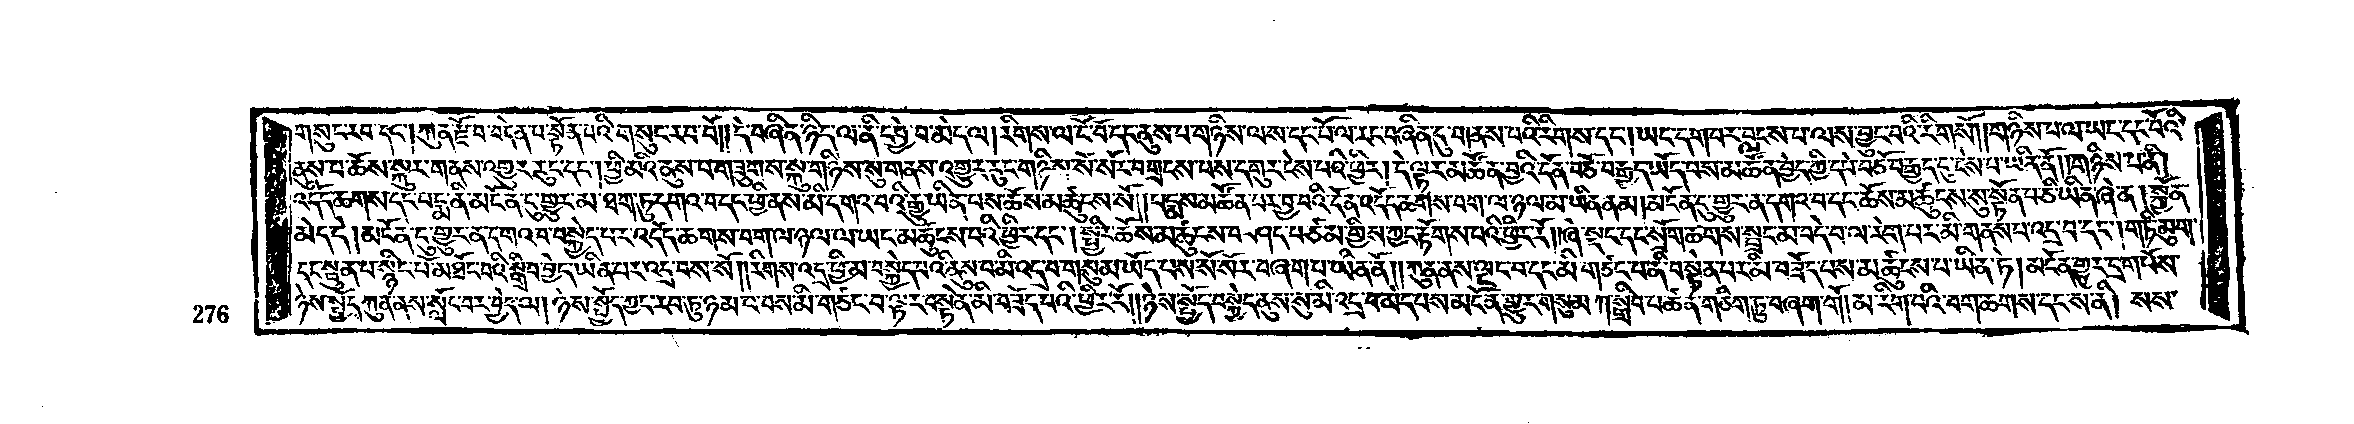གསུང་རབ་དང་། ཀུན་རྫོབ་བདེན་པ་སྟོན་པའི་གསུང་རབ་བོ། །དེ་བཞིན་ཉིད་ལ་ནི་དབྱེ་བ་མེད་ལ། རིགས་ལ་ངོ་བོ་དང་ནུས་པ་གཉིས་ལས་དང་པོ་ལ་རང་བཞིན་དུ་གནས་པའི་རིགས་དང་། ཡང་དག་པར་བླངས་པ་ལས་བྱུང་བའི་རིགས་སོ། །གཉིས་པ་ལ་ཡང་དང་པོའི་
ནུས་པ་ཆོས་སྐུར་གནས་འགྱུར་རུང་དང་། ཕྱི་མའི་ནུས་པ་གཟུགས་སྐུ་གཉིས་སུ་གནས་འགྱུར་རུང་གཉིས་སོ་སོར་བགྲངས་པས་དགུར་ངེས་པའི་ཕྱིར། དེ་ལྟར་མཚོན་བྱའི་དོན་བཅོ་བརྒྱད་ཡོད་པས་མཚོན་བྱེད་ཀྱི་དཔེ་བཅོ་བརྒྱད་དུ་ངེས་པ་ཡིན་ནོ། །གཉིས་པ་ནི།
འདོད་ཆགས་དང་པདམ་ནི་མངོན་དུ་གྱུར་མ་ཐག་ཏུ་དགའ་བ་དང་ཕྱི་ནས་མི་དགའ་བའི་རྒྱུ་ཡིན་པས་ཆོས་མཚུངས་སོ། །པདམས་མཚོན་པར་བྱ་བའི་དོན་འདོད་ཆགས་བག་ལ་ཉལ་མ་ཡིན་ནམ། མངོན་དུ་གྱུར་ན་དགའ་བ་དང་ཆོས་མཚུངས་སུ་སྟོན་པ་ཅི་ཡིན་ཞེ་ན། སྐྱོན་
མེད་དེ། མངོན་དུ་གྱུར་ན་དགའ་བ་བསྐྱེད་པར་འདོད་ཆགས་བག་ལ་ཉལ་ལ་ཡང་མཚུངས་པའི་ཕྱིར་དང་། སྤྱིར་ཆོས་མཚུངས་བཤད་པ་ཙམ་གྱིས་ཀྱང་རྟོགས་པའི་ཕྱིར་རོ། །ཞེ་སྡང་དང་སྲོག་ཆགས་སྦྲང་མ་བདེ་བ་ལ་རེག་པར་མི་གནས་པ་འདྲ་བ་དང་། གཏི་མུག་
དང་སྦུན་པ་སྙིང་པོ་མཐོང་བའི་སྒྲིབ་བྱེད་ཡིན་པར་འདྲ་བས་སོ། །རིགས་འདྲ་ཕྱི་མ་བསྐྱེད་པའི་ནུས་པ་མི་འདྲ་བ་གསུམ་ཡོད་པས་སོ་སོར་བཞག་པ་ཡིན་ནོ། །ཀུན་ནས་ལྡང་བ་དང་མི་གཙང་བ་ནི་བསྟེན་པར་མི་བཟོད་པས་མཚུངས་པ་ཡིན་ཏེ། མངོན་གྱུར་དྲག་པོས་
ཉེས་སྤྱོད་ཀུན་ནས་སློང་བར་བྱེད་ལ། ཉེས་སྤྱོད་ཀྱང་རབ་ཏུ་ཉམ་པ་བས་མི་གཙང་བ་ལྟར་བསྟེན་མི་བཟོད་པའི་ཕྱིར་རོ། །ཉེས་སྤྱོད་བསྐྱེད་ནུས་སུ་མི་འདྲ་བ་མེད་པས་མངོན་གྱུར་གསུམ་ཀ་སྒྲིབ་པ་ཚན་གཅིག་ཏུ་བཞག་གོ །མ་རིག་པའི་བག་ཆགས་དང་ས་ནི། སས་